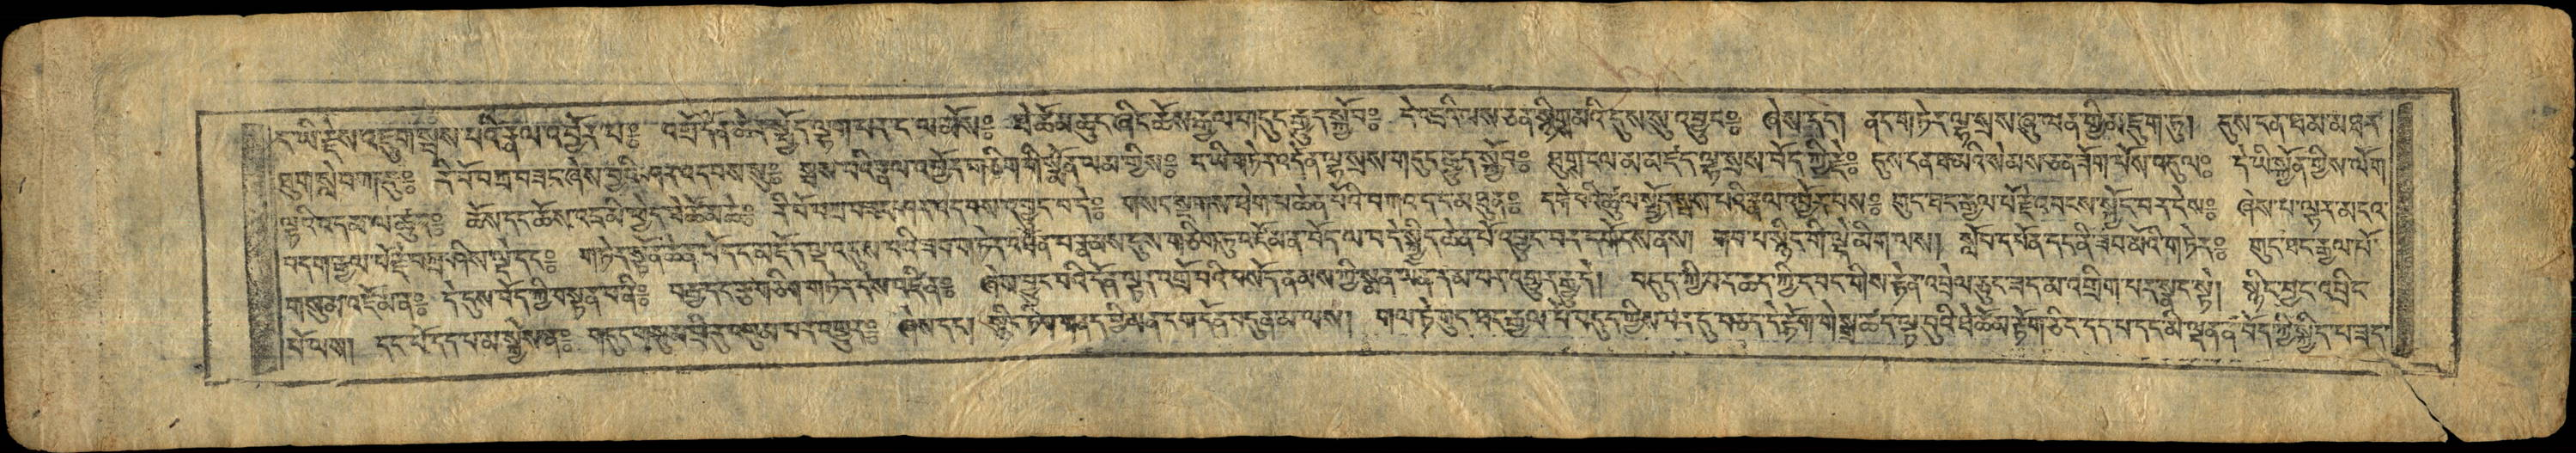ང་ཡི་རྗེས་འཇུག་སྦས་པའི་རྣལ་འབྱོར་པཿ་འགྲོ་དོན་ཆེར་སྤྱོད་ལྷག་པར་ང་ལ་མོསཿ་ཐེ་ཚོམ་ཆུང་ཞིང་ཆོས་རྒྱལ་གདུང་རྒྱུད་སྐྱོབཿ་དེ་འདྲའི་ཡས་ཅན་སྙིགས་མའི་དུས་སུ་འབྱུངཿ་ཞེས་དང་། ནང་གཏེར་ལྷ་སྲས་ཞུ་ལན་གྱི་མཇུག་ཏུ། དུས་ངན་ཐམ་མཐར་
ཐུག་སླེབ་ཀ་རུཿ་རི་བོ་བཀྲ་བཟང་ཞེས་བྱའི་ཤར་འདེབས་སུཿ་སྔས་པའི་རྣལ་འབྱོར་གཅིག་གི་སྨོན་ལམ་གྱིསཿ་ང་ཡི་གཏེར་འདོན་ལྷ་སྲས་གདུང་རྒྱུད་སྐྱོབཿ་ཐུགས་ངལ་མ་མཛད་ལྷ་སྲས་བོད་ཀྱི་རྗེཿ་དུས་ངན་ཐ་མའི་སེམས་ཅན་ཟོག་པོས་འདུལཿ་དེ་ཡི་སྐྱོན་གྱིས་ལོག་
ལྟའི་འདམ་ལ་ཚུདཿ་ཆོས་དང་ཆོས་འདྲ་མི་ཕྱེད་ཐེ་ཚོམ་ཆེཿ་རི་བོ་བཀྲ་བཟང་ཤར་འདབས་འབྱུང་བ་དེཿ་གསང་སྔགས་ཐེག་པ་ཆེན་པོའི་བཀའ་དང་མཐུནཿ་དགེ་བའི་ཚུལ་སྤྱོད་སྦས་པའི་རྣལ་འབྱོར་པསཿ་གུང་ཐང་རྒྱལ་པོ་རྗེ་འབངས་སྐྱོང་བར་ངེསཿ་ཞེས་པ་ལྟར་མངའ་
བདག་རྒྱལ་པོ་རྗེ་བཀྲ་ཤིས་ལྡེ་དངཿ་གཏེར་སྟོན་ཆེན་པོ་དང་མཛོད་ལྔ་འདུས་པའི་ཟབ་གཏེར་འཐོན་པ་རྣམས་དུས་གཅིག་ཏུ་འཛོམ་ན་བོད་ལ་བདེ་སྐྱིད་ཆེན་པོ་འབྱུང་བར་དགོངས་ནས། གབ་པ་སྙིང་གི་ལྡེ་མིག་ལས། སློབ་དཔོན་དང་ནི་ཟབ་མོའི་གཏེརཿ་གུང་ཐང་རྒྱལ་པོ་
གསུམ་འཇོམ་ནཿ་དེ་དུས་བོད་ཀྱི་བསྟན་པ་ནིཿ་བརྒྱ་དང་རྩ་གཅིག་གཏེར་དེས་འཛིནཿ་ཞེས་བྱུང་བའི་དོན་ལྟར་འགྲོ་བའི་བསོད་ནམས་ཀྱི་སྨན་ཡོན་དམ་པར་འགྱུར་རྒྱུ་དེ། བདུད་ཀྱི་བར་ཆད་ཀྱི་དབང་གིས་རྟེན་འབྲེལ་ཅུང་ཟད་མ་འགྲིག་པར་སྣང་སྟེ། སྙིང་བྱང་འབྲིང་
པོ་ལས། དང་པོ་དད་པ་མ་སྐྱེས་ནཿ་གདུང་གསུམ་གྲི་རུ་འགུམ་པར་འགྱུརཿ་ཞེས་དང་། སྙིང་ཏིག་གནད་གྱི་མན་ངག་དོན་བདུན་མ་ལས། གལ་ཏེ་གུང་ཐང་རྒྱལ་པོ་བདུད་གྱིས་བར་དུ་བཅད་དེ་རྟོག་གེ་སྒྲ་ཚང་ལྟ་བུའི་ཐེ་ཚོམ་རྟོག་ཅིང་དད་པ་དང་མི་ལྡན་ན་བོད་ཀྱི་སྐྱིད་པ་ཟད་